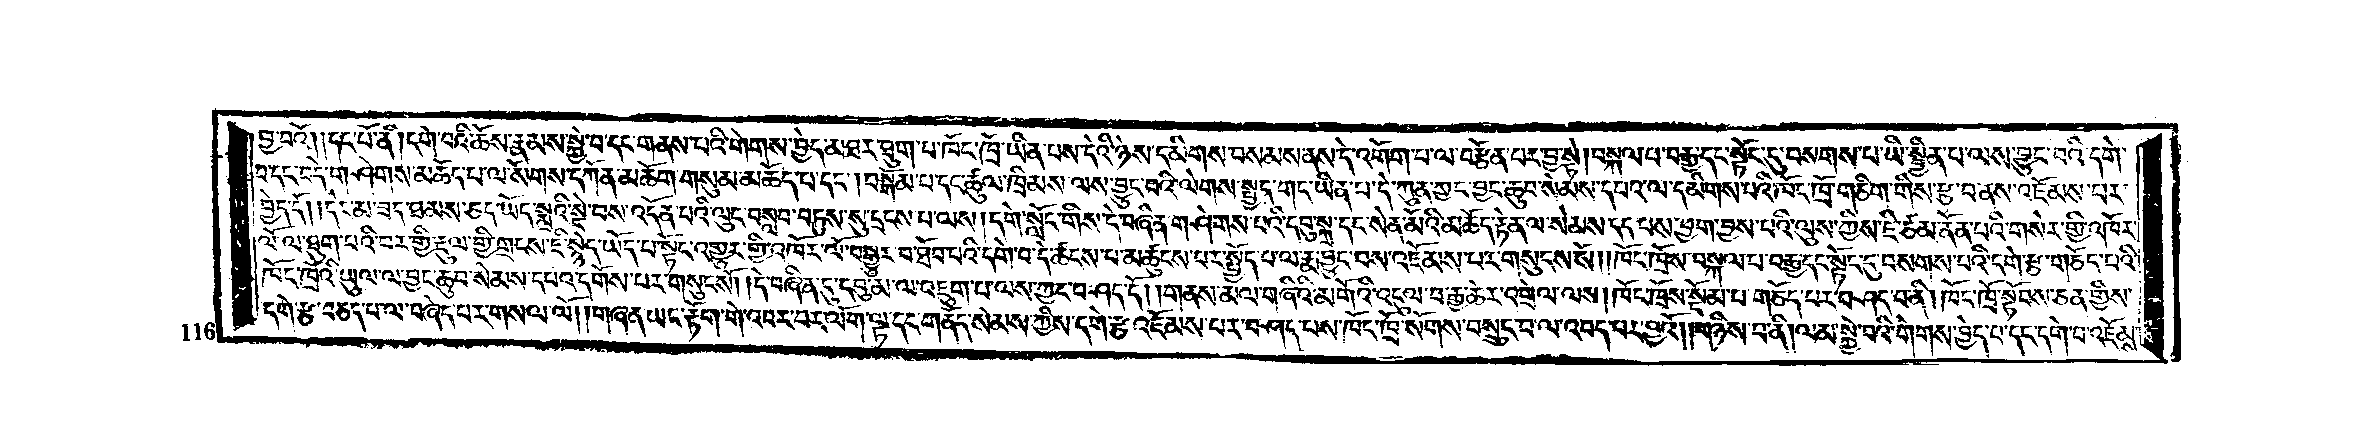བྱ་བའོ། །དང་པོ་ནི། དགེ་བའི་ཆོས་རྣམས་སྐྱེ་བ་དང་གནས་པའི་གེགས་བྱེད་མཐར་ཐུག་པ་ཁོང་ཁྲོ་ཡིན་པས་དེའི་ཉེས་དམིགས་བསམས་ནས་དེ་འགོག་པ་ལ་བརྩོན་པར་བྱ་སྟེ། བསྐལ་པ་བརྒྱ་དང་སྟོང་དུ་བསགས་པ་ཡི་སྦྱིན་པ་ལས་བྱུང་བའི་དགེ་
བ་དང་བདེ་གཤེགས་མཆོད་པ་ལ་སོགས་དཀོན་མཆོག་གསུམ་མཆོད་པ་དང་། བསྒོམ་པ་དང་ཚུལ་ཁྲིམས་ལས་བྱུང་བའི་ལེགས་སྤྱད་གང་ཡིན་པ་དེ་ཀུན་ཀྱང་བྱང་ཆུབ་སེམས་དཔའ་ལ་དམིགས་པའི་ཁོང་ཁྲོ་གཅིག་གིས་རྩ་བ་ནས་འཇོམས་པར་
བྱེད་དོ། །དེར་མ་ཟད་ཐམས་ཅད་ཡོད་སྨྲའི་སྡེ་བས་འདོན་པའི་ལུང་བསླབ་བཏུས་སུ་དྲངས་པ་ལས། དགེ་སློང་གིས་དེ་བཞིན་གཤེགས་པའི་དབུ་སྐྲ་དང་སེན་མོའི་མཆོད་རྟེན་ལ་སེམས་དད་པས་ཕྱག་བྱས་པའི་ལུས་ཀྱིས་ཇི་ཙམ་ནོན་པའི་གསེར་གྱི་འཁྲོ་
ལོ་ལ་ཐུག་པའི་བར་གྱི་རྡུལ་གྱི་གྲངས་ཇི་སྙེད་ཡོད་པ་སྟོང་འགྱུར་གྱི་འཁོར་ལོ་བསྒྱུར་བ་ཐོབ་པའི་དགེ་བ་དེ་ཚངས་པ་མཚུངས་པར་སྤྱོད་པ་ལ་རྨ་བྱུང་བས་འཇོམས་པར་གསུངས་སོ། །ཁོང་ཁྲོས་བསྐལ་པ་བརྒྱ་དང་སྟོང་དུ་བསགས་པའི་དགེ་རྩ་གཅོད་པའི་
ཁོང་ཁྲོའི་ཡུལ་ལ་བྱང་ཆུབ་སེམས་དཔའ་དགོས་པར་གསུངས་སོ། །དེ་བཞིན་དུ་དབུ་མ་ལ་འཇུག་པ་ལས་ཀྱང་བཤད་དོ། །གནས་མལ་གཞིའི་མགོའི་འདུལ་བ་རྒྱ་ཆེར་འགྲེལ་ལས། ཁོང་ཁྲོས་སྡོམ་པ་གཅོད་པར་བཤད་པ་ནི། ཁོང་ཁྲོ་སྟོབས་ཅན་གྱིས་
དགེ་རྩ་བཅད་པ་ལ་བཞེད་པར་གསལ་ལོ། །གཞན་ཡང་རྟོག་གེ་འབར་བར་ལོག་ལྟ་དང་གནོད་སེམས་ཀྱིས་དགེ་རྩ་འཇོམས་པར་བཤད་པས་ཁོང་ཁྲོ་སོགས་བསྲུང་བ་ལ་འབད་པར་བྱའོ། །གཉིས་པ་ནི། ལམ་སྐྱེ་བའི་གེགས་བྱེད་པ་དང་དགེ་བ་འཇོམས་